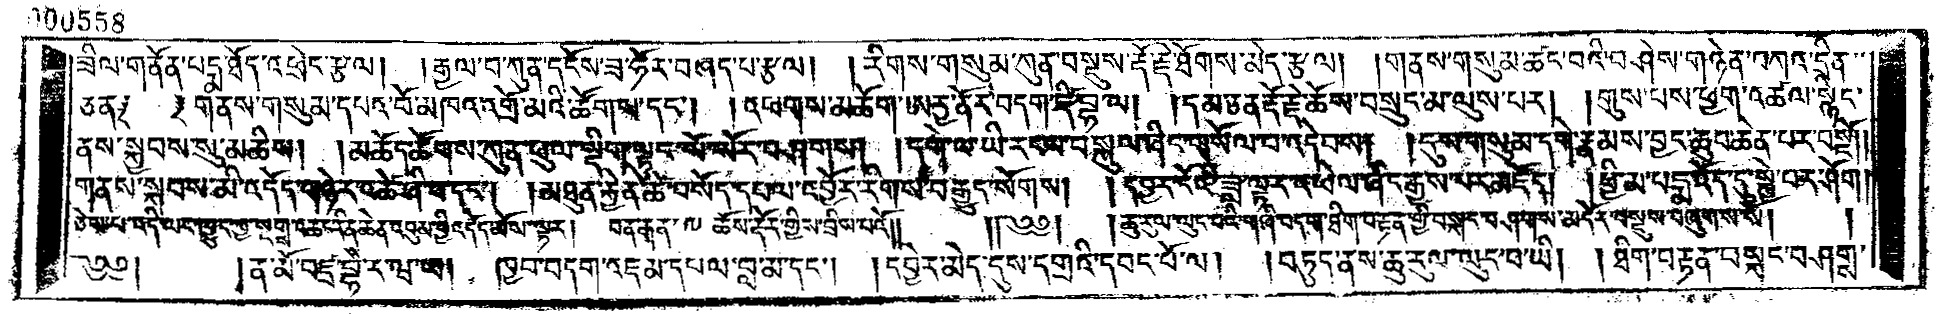ཟིལ་གནོན་པདམ་ཐོད་འཕྲེང་རྩལ། །རྒྱལ་བ་ཀུན་དངོས་ཟ་ཧོར་བཞད་པ་རྩལ། །རིགས་གསུམ་ཀུན་བསྡུས་རྡོ་རྗེ་ཐོགས་མེད་རྩལ། །གནས་གསུམ་ཚང་བའི་བཤེས་གཉེན་བཀའ་དྲིན་
ཅན། །གནས་གསུམ་དཔའ་བོ་མཁའ་འགྲོ་མའི་ཚོགས་དང་། །འཕགས་མཆོག་ཨརྱ་ནོར་བདག་ཛི་བྷ་ལ། །དམ་ཅན་རྡོ་རྗེ་ཆོས་བསྲུང་མ་ལུས་པར། །གུས་པས་ཕྱག་འཚལ་སྙིང་
ནས་སྐྱབས་སུ་མཆིས། །མཆོད་ཚོགས་ཀུན་ཕུལ་སྡིག་ལྟུང་སོ་སོར་བཤགས། །དགེ་ལ་ཡི་རངས་བསྐུལ་ཞིང་གསོལ་བ་འདེབས། །དུས་གསུམ་དགེ་རྣམས་བྱང་ཆུབ་ཆེན་པོར་བསྔོ། །
གནས་སྐབས་མི་འདོད་གཉེར་འཚེ་ཞི་བ་དང་། །མཐུན་རྐྱེན་ཚེ་བསོད་དཔལ་འབྱོར་རིགས་བརྒྱུད་སོགས། །དབྱར་ངོའི་ཟླ་ལྟར་འཕེལ་ཞིང་རྒྱས་པར་མཛོད། །ཕྱི་མ་པདམ་འོད་དུ་སྐྱེ་བར་ཤོག །
ཅེས་པ་འདི་ཡང་ཁྱུང་ཀྱ་སྔགས་འཆང་རིན་ཆེན་འབུམ་གྱི་འདོད་མོས་ལྟར། བན་རྒན་༧་ཆོས་རྡོར་གྱིས་བྲིས་པའོ།། །།༄༅། །ཆུ་རུལ་ལུང་བའི་གཞི་བདག་ཐིག་བརྟན་གྱི་བསྐང་བཤགས་མདོར་བསྡུས་བཞུགས་སོ། །
༄༅། །ན་མོ་བཛྲ་བྷཻ་ར་ཝ་ཡ། ཁྱབ་བདག་འཇམ་དཔལ་བླ་མ་དང་། །དབྱེར་མེད་དུས་དགྲའི་དབང་པོ་ལ། །བཏུད་ནས་ཆུ་རུལ་ལུང་བ་ཡི། །ཐིག་བརྟན་བསྐང་བཤགས་